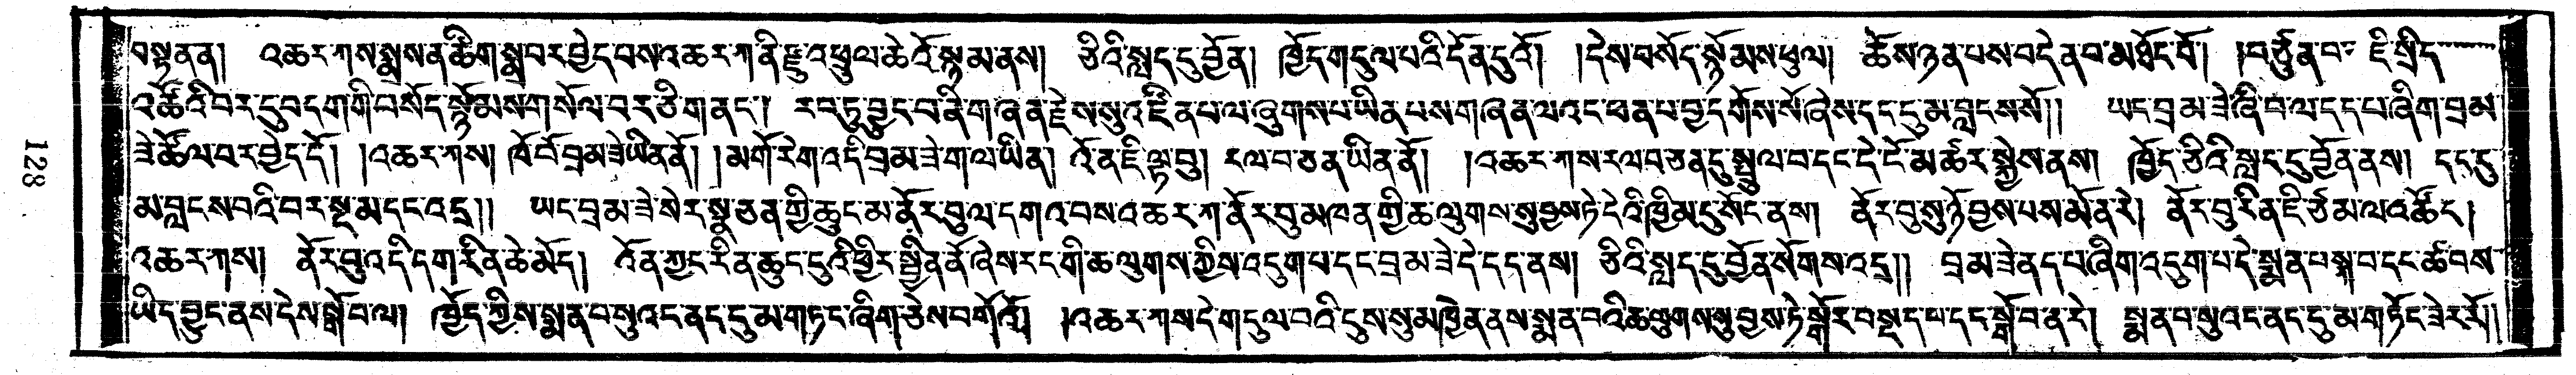བསྟན་ན། འཆར་ཀས་སྨྲས་ན་ཚིག་སྨྲ་བར་བྱེད་པས་འཆར་ཀ་ནི་རྫུ་འཕྲུལ་ཆེའོ་སྙམ་ནས། ཅིའི་སླད་དུ་བྱོན། ཁྱོད་གདུལ་པའི་དོན་དུའོ། །དེས་བསོད་སྙོམས་ཕུལ། ཆོས་ཉན་བས་བདེན་བ་མཐོང་བོ། །བཙུན་པཿ ཇི་སྲིད་
འཚོའི་བར་དུ་བདག་གི་བསོད་སྙོམས་གསོལ་བར་ཅི་གནང་། རབ་ཏུ་བྱུང་བ་ནི་གཞན་རྗེས་སུ་འཛིན་པ་ལ་ཞུགས་པ་ཡིན་པས་གཞན་ལའང་ཕན་པ་བྱ་དགོས་སོ་ཞེས་དང་དུ་མ་བླངས་སོ།། ཡང་བྲམ་ཟེ་ཞི་བ་ལ་དད་པ་ཞིག་བྲམ་
ཟེ་ཚོལ་བར་བྱེད་དོ། །འཆར་ཀས། ཁོ་བོ་བྲམ་ཟེ་ཡིན་ནོ། །མགོ་རེག་འདི་བྲམ་ཟེ་ག་ལ་ཡིན། འོ་ན་ཇི་ལྟ་བུ། རལ་བ་ཅན་ཡིན་ནོ། །འཆར་ཀས་རལ་བ་ཅན་དུ་སྤྲུལ་བ་དང་དེ་ངོ་མཚར་སྐྱེས་ནས། ཁྱོད་ཅིའི་སླང་དུ་བྱོན་ནས། དང་དུ་
མ་བླངས་པའི་བར་སྔ་མ་དང་འདྲ།། ཡང་བྲམ་ཟེ་སེར་སྣ་ཅན་གྱི་ཆུང་མ་ནོར་བུ་ལ་དགའ་བས་འཆར་ཀ་ནོར་བུ་མཁན་གྱི་ཆ་ལུགས་སུ་བྱས་ཏེ་དེའི་ཁྱིམ་དུ་སོང་ནས། ནོར་བུ་སུ་ཉོ་བྱས་པས་མོ་ན་རེ། ནོར་བུ་རིན་ཇི་ཙམ་ལ་འཚོང་།
འཆར་ཀས། ནོར་བུ་འདི་དག་རིན་ཆེ་མོད། འོན་ཀྱང་རིན་ཆུང་ངུའི་ཕྱིར་སྦྱིན་ནོ་ཞེས་རང་གི་ཆ་ལུགས་ཀྱིས་འདུག་པ་དང་བྲམ་ཟེ་དེ་དད་ནས། ཅིའི་སླད་དུ་བྱོན་སོགས་འདྲ།། བྲམ་ཟེ་ནད་པ་ཞིག་འདུག་པ་དེ་སྨན་པ་སྐ་བ་དང་ཚ་བས་
ཡིད་བྱུང་ནས་དེས་སྒོ་བ་ལ། ཁྱོད་ཀྱིས་སྨན་བ་སུའང་ནང་དུ་མ་གཏང་ཞིག་ཅེས་བགོའོ། །འཆར་ཀས་དེ་གདུལ་བའི་དུས་སུ་མཁྱེན་ནས་སྨན་བའི་ཆ་ལུགས་སུ་བྱས་ཏེ་སྒོར་བསྡད་པ་དང་སྒོ་བ་ན་རེ། སྨན་པ་སུའང་ནང་དུ་མ་གཏོང་ཟེར་རོ།།